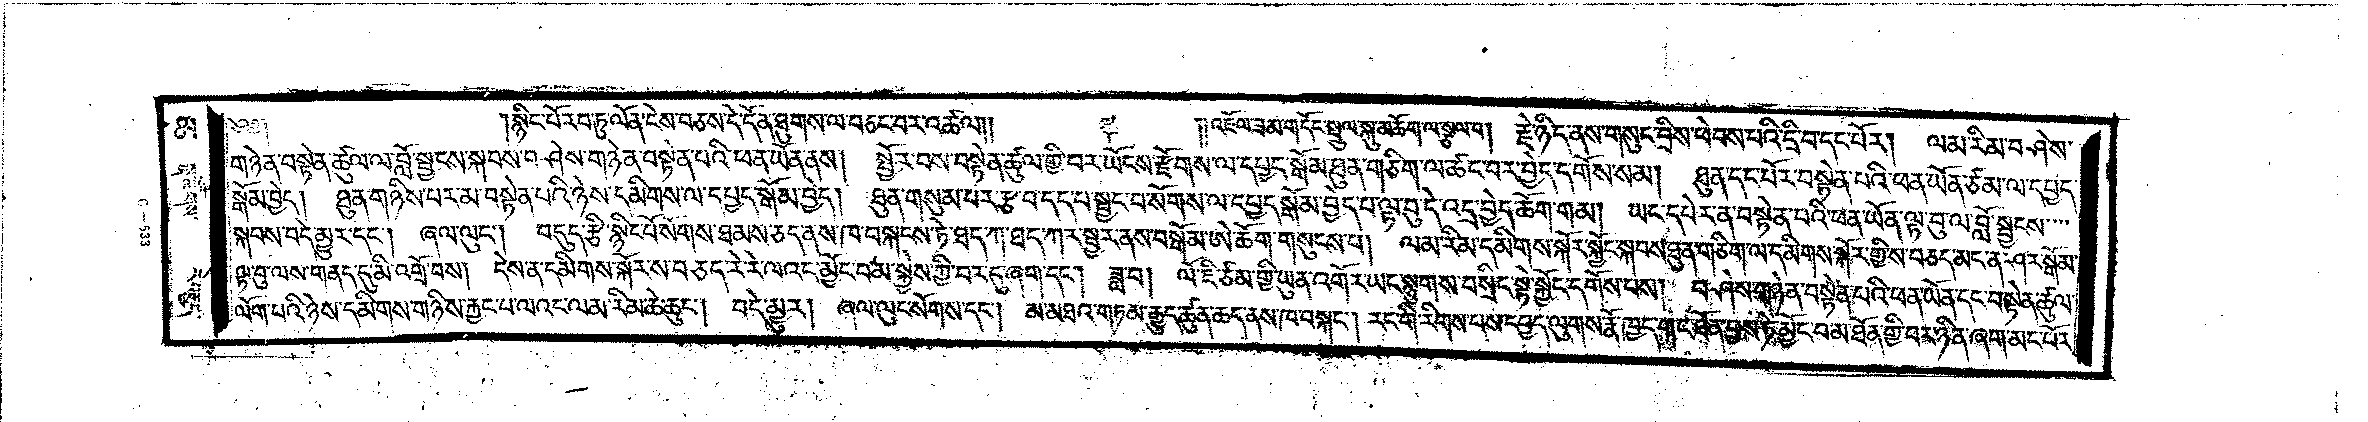༄༅། །སྙིང་པོ་རབ་ཏུ་ལོན་ངེས་བཅས་དེ་དོན་ཐུགས་ལ་བཅང་བར་འཚལ།། ༈ །།འཇོལ་ཟམ་གདོང་སྤྲུལ་སྐུ་མཆོག་ལ་སྩལ་བ།  རྗེ་ཉིད་ནས་གསུང་བྲིས་ཕེབས་པའི་དྲི་བ་དང་པོར། ལམ་རིམ་བཤེས་
གཉེན་བསྟེན་ཚུལ་ལ་བློ་སྦྱངས་སྐབས་བཤེས་གཉེན་བསྟེན་པའི་ཕན་ཡོན་ནས། སྦྱོར་བས་བསྟེན་ཚུལ་གྱི་བར་ཡོངས་རྫོགས་ལ་དཔྱད་སྒོམ་ཐུན་གཅིག་ལ་ཚང་བར་བྱེད་དགོས་སམ། ཐུན་དང་པོར་བསྟེན་པའི་ཕན་ཡོན་ཙམ་ལ་དཔྱད་
སྒོམ་བྱེད། ཐུན་གཉིས་པར་མ་བསྟེན་པའི་ཉེས་དམིགས་ལ་དཔྱད་སྒོམ་བྱེད། ཐུན་གསུམ་པར་རྩ་བ་དད་པ་སྦྱང་བ་སོགས་ལ་དཔྱད་སྒོམ་བྱེད་པ་ལྟ་བུ་དེ་འདྲ་བྱེད་ཆོག་གམ། ཡང་དཔེར་ན་བསྟེན་པའི་ཕན་ཡོན་ལྟ་བུ་ལ་བློ་སྦྱངས་
སྐབས་བདེ་མྱུར་དང་། ཞལ་ལུང་། བདུད་རྩི་སྙིང་པོ་སོགས་ཐམས་ཅད་ནས་ཁ་བསྐངས་ཏེ་ཐད་ཀར་སྦྱར་ནས་བསྒོམ་ཨེ་ཆོག་གསུངས་པ། ལམ་རིམ་དམིགས་སྐོར་སྐྱོང་སྐབས་ཐུན་གཅིག་ལ་དམིགས་སྐོར་གྱིས་བཅད་མང་ན་ཤར་སྒོམ་
ལྟ་བུ་ལས་གནད་དུ་མི་འགྲོ་བས། དེས་ན་དམིགས་སྐོར་ས་བཅད་རེ་རེ་ལའང་མྱོང་བ་མ་སྐྱེས་ཀྱི་བར་དུ་ཞག་དང་། ཟླ་བ། ལོ་ཇི་ཙམ་གྱི་ཡུན་འགོར་ཡང་སྙུགས་བསྲིང་སྟེ་སྐྱོང་དགོས་པས། བཤེས་གཉེན་བསྟེན་པའི་ཕན་ཡོན་དང་བསྟེན་ཚུལ་
ལོག་པའི་ཉེས་དམིགས་གཉིས་རྐྱང་པ་ལའང་ལམ་རིམ་ཆེ་ཆུང་། བདེ་མྱུར། ཞལ་ལུང་སོགས་དང་། མ་མཐའ་གཏམ་རྒྱུད་ཚུན་ཆད་ནས་ཁ་བསྐང་། རང་གི་རིགས་པས་དཔྱད་ལུགས་རྣོ་ཁྱད་གང་ཐོན་བྱས་ཏེ་མྱོང་བ་མ་ཐོན་གྱི་བར་ཉིན་ཞག་མང་པོར་